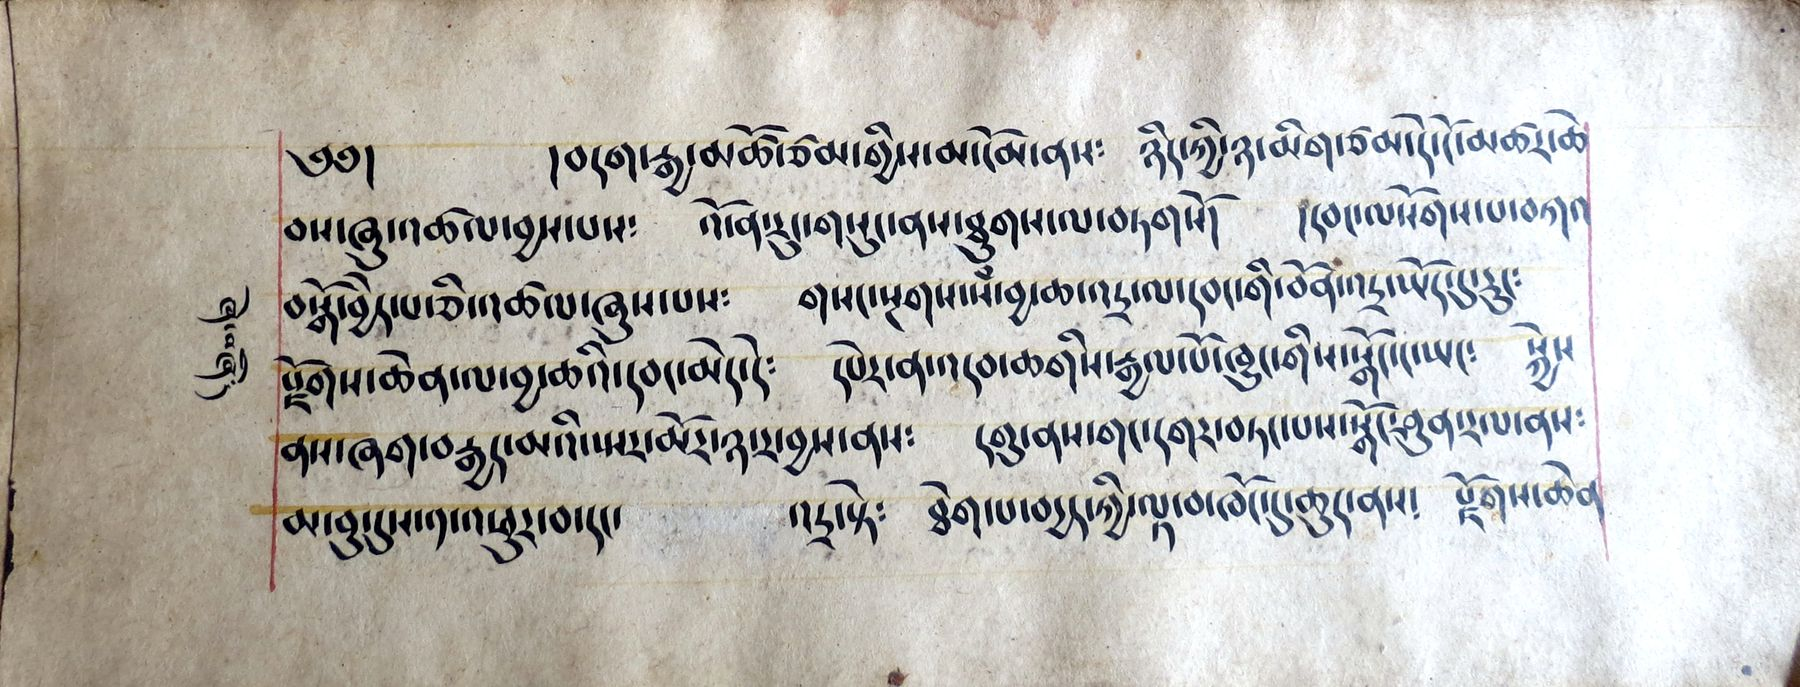བདག་རྒྱ་མཚོ་ཙམ་གྱིས་མ་ངོམས་པས། ཉིད་ཀྱི་ཉ་མིག་ཙམ་དེ་ངོ་མཚར་ཆེ།
བས་ཞུ་འཚལ་བྱས་པས། འོ་ན་རུང་གསུངས་ནས་ཐུགས་ལ་བཏགས་སོ། །དབང་ལ་སོགས་པ་བཀའ་
བསྒོ་བྱེད་པ་ཅི་འཚལ་ཞུས་པས། གསང་སྔགས་སམ་བྱ་ཆ་འདྲ་ལ་དབང་གི་བོན་འདྲ་ཡོད་དུ་རུང་། 
རྫོགས་ཆེན་ལ་བྱ་ཆའི་དབང་མེད་དེ། དཔེར་ན་འདབ་ཆགས་ཀྱི་རྒྱལ་པོ་ཁྱུང་གི་སྒོང་ང་ཡང་། སྐྱེས་
ནས་ཞག་བརྒྱད་མའི་སྤར་མོར་ཉ་ར་བྱས་ནས་དགུ་ནས་གང་དགར་བཏང་བས་སྒོང་ཤུན་རལ་ནས་
མ་བུ་དུས་གཅིག་འཕུར་བ་དང་འདྲ་སྟེ། ཐེག་པ་བརྒྱད་ཀྱི་ལྟ་བ་ཁོང་དུ་ཆུད་ནས། རྫོགས་ཆེན་